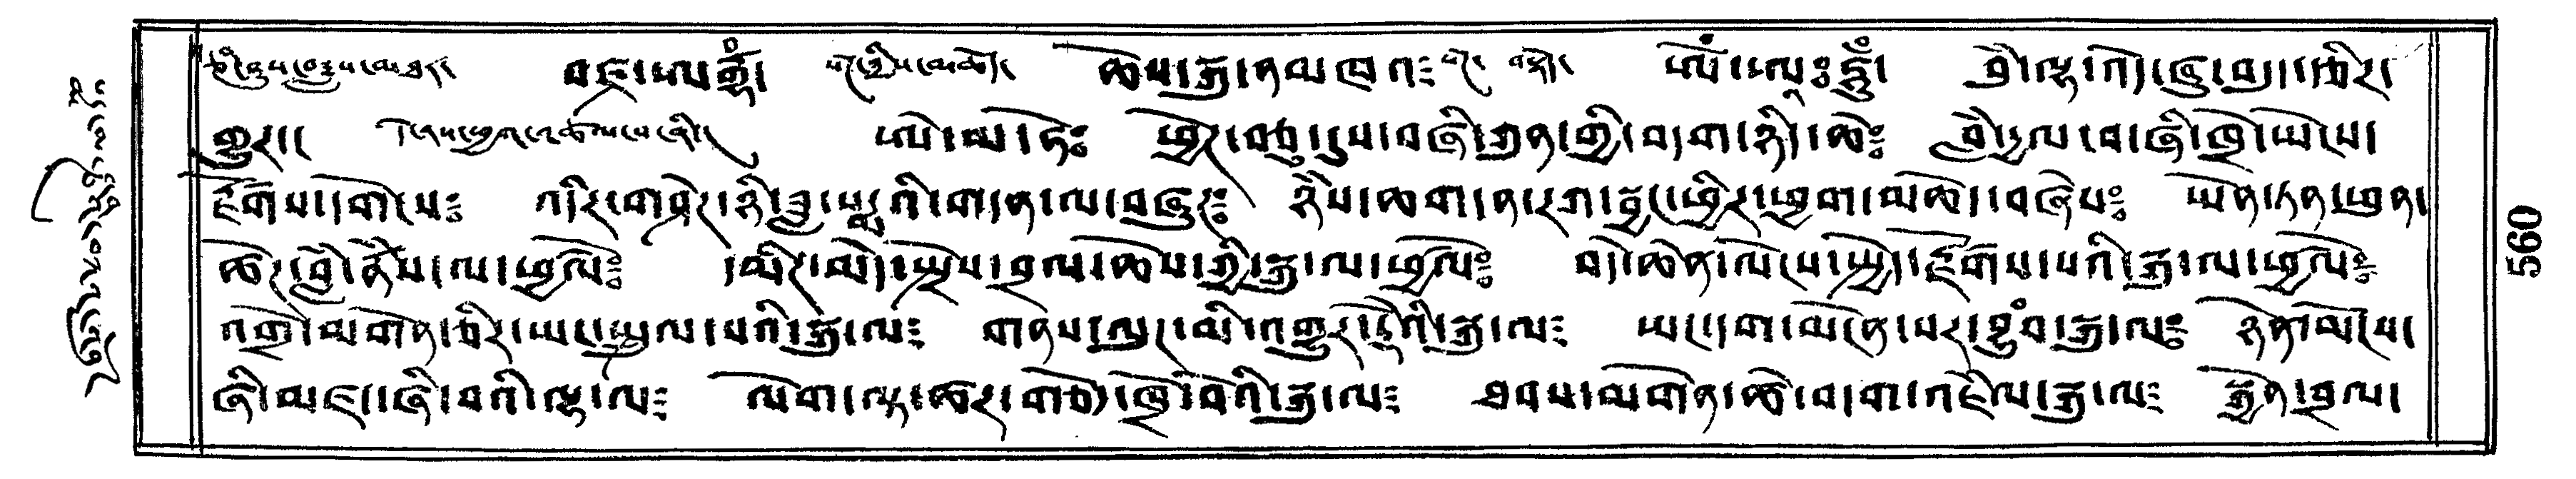ཅི་ནུས་བཟླས་མཐར། བཛྲ་ཨརྒྷཾ༴ སོགས་ཀྱིས་མཆོད། ཆོས་སྐུ་ནམ་མཁའ༴སོགས་ཀྱིས་བསྟོད། ཨོཾ་ཨཱཿཧཱུྃ། བུམ་ལྷ་འོད་ཞུ་བདུད་རྩིར་
གྱུར། དེ་ནས་ཕྱག་འཚལ་པ་ནི། ཨེ་མ་ཧོཿ ཕྱོགས་བཅུ་དུས་བཞི་ཀུན་གྱི་བདག་ཉིད་ཆེ༔ བླ་མ་རྒྱལ་བ་ཞི་ཁྲོ་ཡོངས་
རྫོགས་དགོངས༔ འདིར་གཤེགས་ཉི་ཟླ་པདྨའི་གདན་ལ་བཞུགས༔ ཉམས་ཆག་ན་རཀ་སྦྱང་ཕྱིར་ཕྱག་མཆོད་བཞེས༔ ཡོན་ཏན་ཕུན་
ཚོགས་བླ་མ་རྣམས་ལ་ཕྱག་འཚལ་ལོ༔ དམིགས་མེད་སྤྲོས་བྲལ་ཆོས་ཀྱི་སྐུ་ལ་ཕྱག་འཚལ་ལོ༔ བདེ་ཆེན་ལོངས་སྤྱོད་རྫོགས་པའི་སྐུ་ལ་ཕྱག་
འཚལ་ལོ༔ འགྲོ་མགོན་ཅིར་ཡང་སྤྲུལ་པའི་སྐུ་ལ༴ གནས་ལུགས་མི་འགྱུར་རྡོ་རྗེའི་སྐུ་ལ༴ ཡང་དག་མངོན་པར་བྱང་ཆུབ་སྐུ་ལ༔ ཉོན་མོངས་
ཞི་མཛད་ཞི་བའི་ལྷ་ལ༴ ལོག་ལྟ་ཚར་གཅོད་ཁྲོ་བོའི་སྐུ་ལ༴ ཐབས་མགོན་ཚེ་བདག་འཇམ་དཔལ་སྐུ་ལ༴ སྐྱོན་བྲལ་